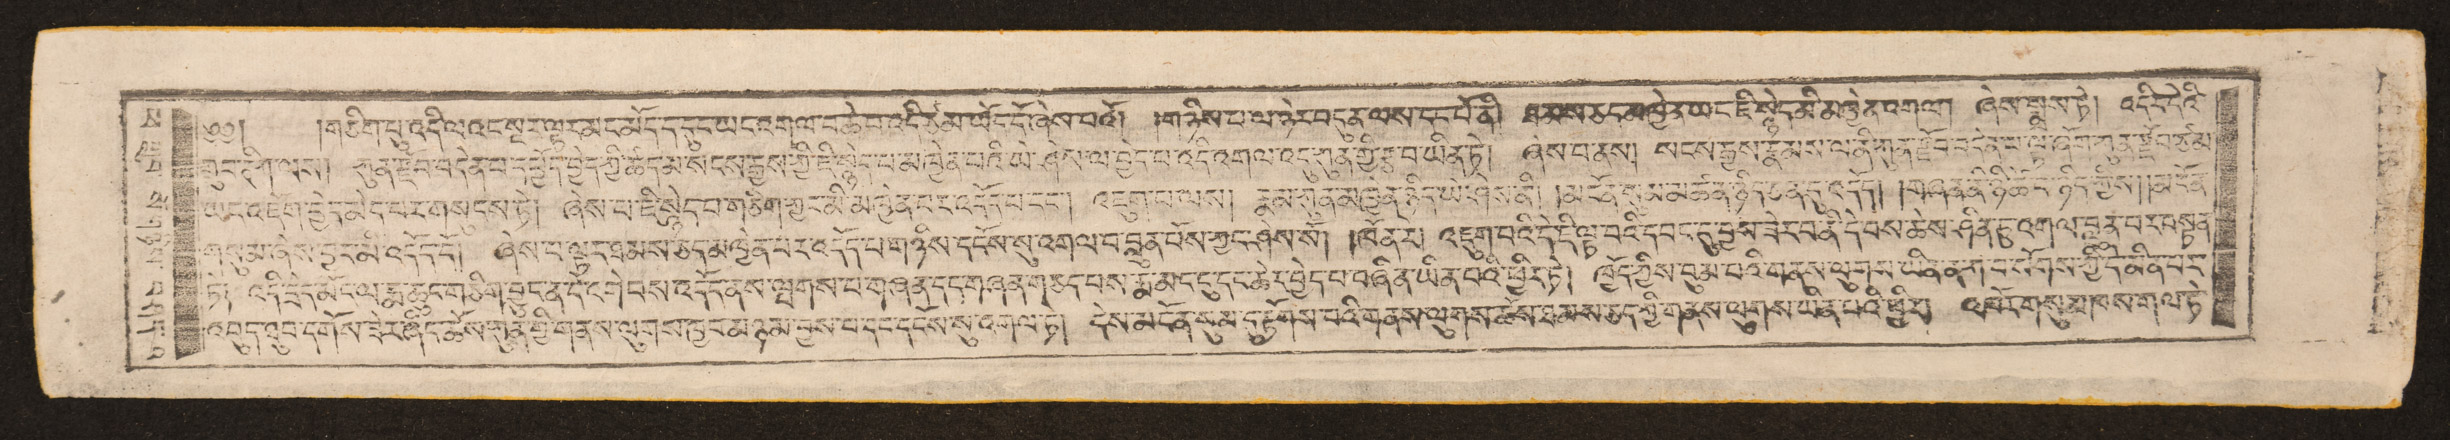༄༅། །གཅིག་པུ་འདི་ལའང་སྔར་ལྟར་མང་མོད་ད་དུང་ཡང་འགལ་བ་ཆེ་བ་འདི་ཙམ་ཡོད་དོ་ཞེས་པའོ། །གཉིས་པ་ལ་ཉེར་བདུན་ལས་དང་པོ་ནི། ཐམས་ཅད་མཁྱེན་ཡང་ཇི་སྙེད་མི་མཁྱེན་འགལ། ཞེས་སྨྲས་ཏེ། འདིར་དེའི་
གྲུབ་ཊིཀ་ལས། ཀུན་རྫོབ་བདེན་པ་དཔྱོད་བྱེད་ཀྱི་ཚད་མ་སངས་རྒྱས་ཀྱི་ཇི་སྙེད་པ་མཁྱེན་པའི་ཡེ་ཤེས་ལ་བྱེད་པ་འདི་འགལ་འདུ་ཀུན་གྱི་རྩ་བ་ཡིན་ཏེ། ཞེས་པ་ནས། སངས་རྒྱས་རྣམས་ལ་ནི་ཀུན་རྫོབ་བདེན་པ་ལྷ་ཞོག་ཀུན་རྫོབ་ཙམ་
ཡང་འཇོག་བྱེད་མེད་པར་གསུངས་ཏེ། ཞེས་པ་ཇི་སྙེད་བ་གཅིག་ཀྱང་མི་མཁྱེན་བར་འདོད་པ་དང་། འཇུག་པ་ལས། རྣམ་ཀུན་མཁྱེན་ཉིད་ཡེ་ཤེས་ནི། །མངོན་སུམ་མཚན་ཉིད་ཅན་དུ་འདོད། །གཞན་ནི་ཉི་ཚེད་ཉིད་ཀྱིས། །མངོན་
གསུམ་ཞེས་བྱར་མི་འདོད་དོ། ཞེས་པ་ལྟར་ཐམས་ཅད་མཁྱེན་པར་འདོད་པ་གཉིས་དངོས་སུ་འགལ་བ་བླུན་བོས་ཀྱང་ཤེས་སོ། །ཁོ་ན་རེ། འཇུག་བའི་དེ་ཇི་ལྟ་བའི་དབང་དུ་བྱས་ཟེར་བ་ནི་དེ་བས་ཆེས་ཤིན་ཏུ་འགལ་བླུན་བོར་བསྟན་
ཏེ༑ འདི་དྲེད་མོང་ལམ་ཆུང་གཅིག་བྱུང་ན་དེ་འགེབས་འདོད་ནས་ལྤགས་བ་གཞན་དང་གཞན་གཅད་པས་རྨ་མད་དུ་དང་ཆེར་བྱེད་པ་བཞིན་ཡིན་པའི་ཕྱིར་ཏེ། ཁྱོད་ཀྱིས་བུམ་བའི་གནས་ལུགས་ཡིན་ནཀ་པ་སོགས་ཀྱི་དེ་མིན་བར་
འབུད་ཐུབ་དགོས་ཟེར་ཞིང་ཆོས་ཀུན་གྱི་གནས་ལུགས་ཁྱབ་མཉམ་བྱས་བ་དང་དངོས་སུ་འགལ་ཏེ། དེས་མངོན་སུམ་དུ་རྟོགས་པའི་གནས་ལུགས་ཆོས་ཐམས་ཅད་ཀྱི་གནས་ལུགས་ཡིན་པའི་ཕྱིར། འཁོར་གསུམ་ཁས་གལ་ཏེ་